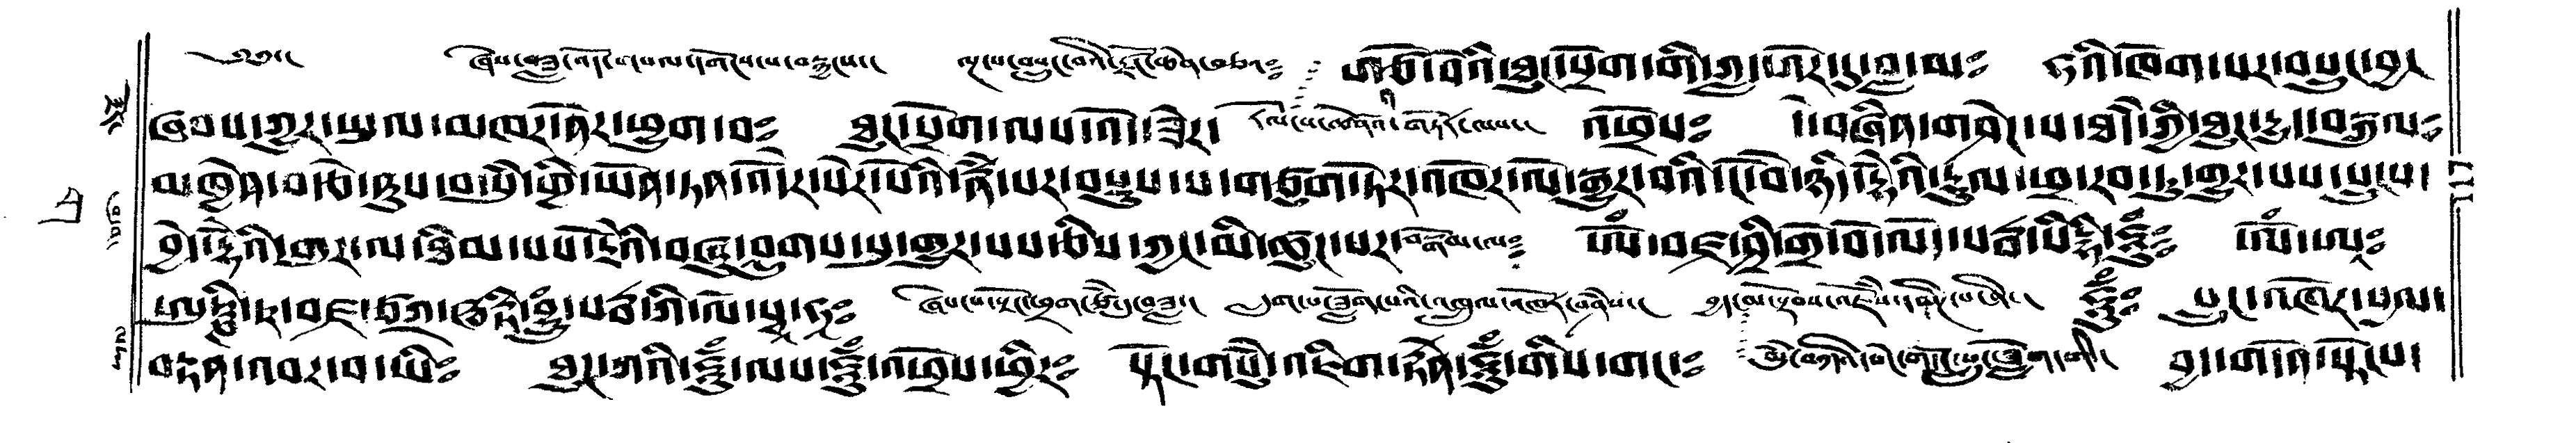ཞེས་བཟླ་འོད་གསལ་དགོངས་པ་སྐྱོང་། ལྔ་པ་བསྲུང་བའི་རྫོང་ཆེན་བཅའ། གཙོ་བོའི་ཐུགས་སྲོག་གི་ཀླད་ཀོར་དུ་བླ་མ༔ ཧའི་ཁོག་པར་བསྲུང་བྱ༔
ཞབས་དཀྱུར་ཡུལ་མཁར་ནོར་ཕྱུགས༔ ཐུགས་སྲོག་ལས་འོད་ཟེར་འཕྲོས༔ དེ་བཞིན་གཤེགས་པ་ཐམས་ཅད་ཀྱི་ཐུགས་རྒྱུད་བསྐུལ༔ 
མཁྱེན་བརྩེ་ནུས་གསུམ་གྱི་ཡོན་ཏན་འོད་ཟེར་སེར་པོའི་རྣམ་པར་བསྡུས་པ་གཙུག་ཏོར་འཁོར་ལོ་སྒྱུར་བའི་ངོ་བོ་ཉིད་རྡོ་རྗེའི་རྡུལ་ཕྲ་རབ་ཏུ་གྱུར་པས་སྲུང་
བྱེད་རྡོ་རྗེའི་གུར་ལ་ཐིམ་པས་རྡོ་རྗེའི་བཞུ་ལུགས་སུ་གྱུར་པས་ཅིས་ཀྱང་མི་ཚུགས་པར་སྒོམ་ལ། ཨོཾ་བཛྲ་ཤྲི་གྲོ་བོ་ལོད་སརྦ་སིདྡྷི་ཧཱུྃ༔ ཨོཾ་ཨཱཿ 
ཨཤྞི་ར་བཛྲ་ཙཀྲ་ཝརྟི་བྷྲུཾ་སརྦ་ལོ་ཀི་སྭ་ཧཱ༔ ཞེས་པ་སྟོང་ཕྲག་ཙམ་དུ་བཟླ། དྲུག་པ་ཟློག་པའི་འཁྲུལ་འཁོར་བཤམས། བྱད་མ་སྟོབས་འཇོམས་དམིགས་པ་ནི། ཧཱུྃ༔ བསྲུང་འཁོར་གསལ་
བརྟན་འབར་བ་ཡི༔ ཐུགས་ཀའི་ཧཱུྃ་ལས་ཧཱུཾ་འཕྲོས་ཕྱིར༔སྟོང་གསུམ་འཇིག་རྟེན་ཧཱུྃ་གིས་གང༔ བྱད་གདོན་སྟོངས་